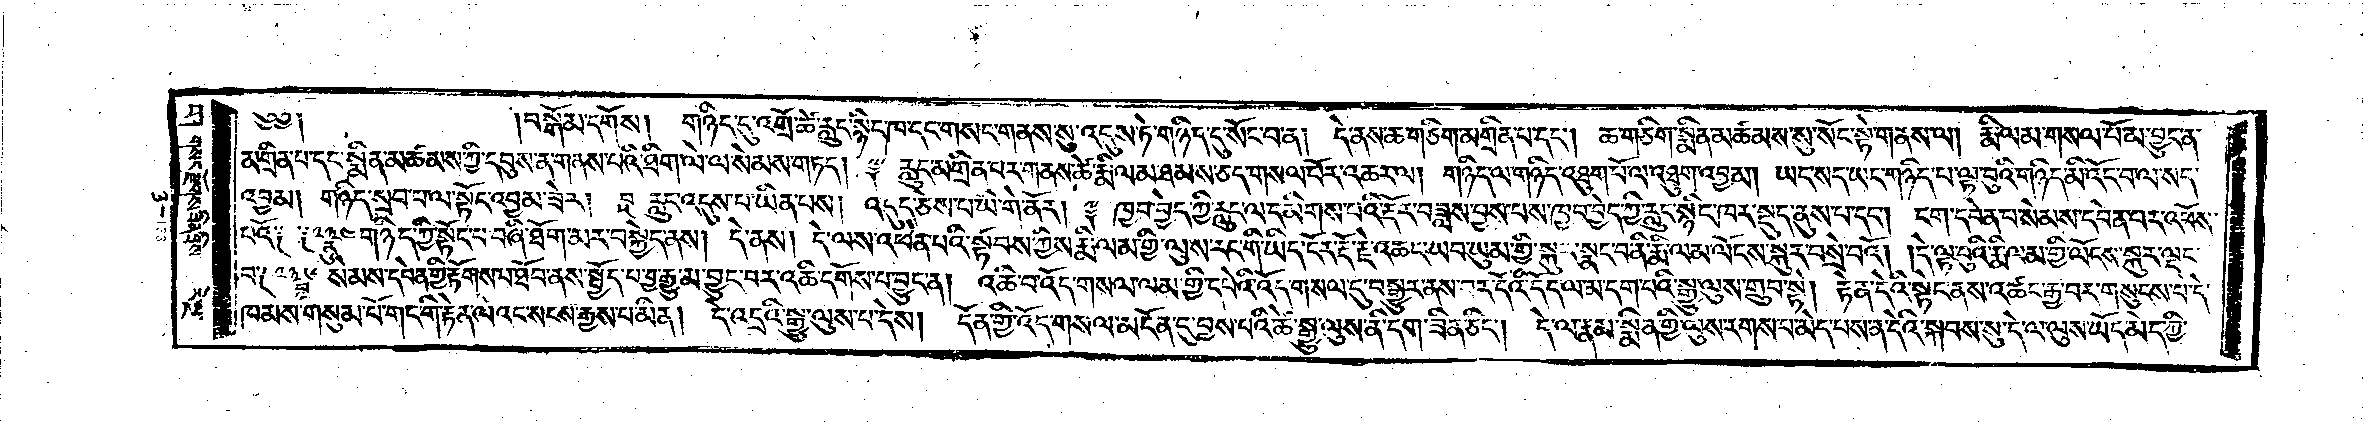༄༅། །བསྒོམ་དགོས། གཉིད་དུ་འགྲོ་ཚེ་རླུང་སྙིང་ཁ་དང་གསང་གནས་སུ་འདུས་ཏེ་གཉིད་དུ་སོང་བ་ན། དེ་ནས་ཆ་གཅིག་མགྲིན་པ་དང་། ཆ་གཅིག་སྨིན་མཚམས་སུ་སོང་སྟེ་གནས་ལ། རྨི་ལམ་གསལ་པོ་མ་བྱུང་ན་
མགྲིན་པ་དང་སྨིན་མཚམས་ཀྱི་དབུས་ན་གནས་པའི་ཐིག་ལེ་ལ་སེམས་གཏད། ༈ རླུང་མགྲིན་པར་གནས་ཚེ་རྨི་ལམ་ཐམས་ཅད་གསལ་པོར་འཆར་ལ། གཉིད་ལ་གཉིད་འཐུག་པོ་ལ་འཐུག་འབྱམ། ཡང་སད་ཡང་གཉིད་པ་ལྟ་བུའི་གཉིད་མི་འོང་བ་ལ་སད་
འབྱམ། གཉིད་སྲབ་པ་ལ་སྟོང་འབྱམ་ཟེར། རླུང་འདུས་པ་ཡིན་པས། འདུད་ཅེས་པ་ཡི་གེ་ནོར། ༈ ཁྱབ་བྱེད་ཀྱི་རླུང་ལ་དམིགས་པའི་རྡོར་བཟླས་བྱས་པས་ཁྱབ་བྱེད་ཀྱི་རླུང་སྙིང་ཁར་སྡུད་ནུས་པ་དང་། ངག་དབེན་པ་སེམས་དབེན་པར་འཕོས་
པའོ༑ ༑༢༣༤ན༦་གཉིད་ཀྱི་སྟོང་པ་བཞི་ཐོག་མར་བསྐྱེད་ནས། དེ་ནས། དེ་ལས་འཕེན་པའི་སྟོབས་ཀྱིས་རྨི་ལམ་གྱི་ལུས་རང་གི་ཡིད་ངོར་རྡོ་རྗེ་འཆང་ཡབ་ཡུམ་གྱི་སྐུར་སྣང་བ་ནི་རྨི་ལམ་ལོངས་སྐུར་བསྲེ་བའོ། །དེ་ལྟ་བུའི་རྨི་ལམ་གྱི་ལོངས་སྐུར་ལྡང་
བ༑ ༢༣༦བ༧་སེམས་དབེན་གྱི་རྟོགས་པ་ཐོབ་ནས་སྤྱོད་པ་བྱ་རྒྱུ་མ་བྱུང་བར་འཆི་དགོས་པ་བྱུང་ན། འཆི་བ་འོད་གསལ་ལམ་གྱི་དཔེའི་འོད་གསལ་དུ་བསྒྱུར་ནས་བར་དོའི་དོད་ལམ་དག་པའི་སྒྱུ་ལུས་གྲུབ་སྟེ། རྟེན་དེའི་སྟེང་ནས་འཚང་རྒྱ་བར་གསུངས་པ་དེ་
ཁམས་གསུམ་པོ་གང་གི་རྟེན་ལའང་སངས་རྒྱས་པ་མིན། དེ་འདྲའི་སྒྱུ་ལུས་པ་དེས། དོན་གྱི་འོད་གསལ་མངོན་དུ་བྱས་པའི་ཚེ་སྒྱུ་ལུས་ནི་དག་ཟིན་ཅིང་། དེ་ལ་རྣམས་མིན་གྱི་ལུས་རགས་པ་མེད་པས་ན་དེའི་སྐབས་སུ་དེ་ལ་ལུས་ཡོད་མེད་ཀྱི་